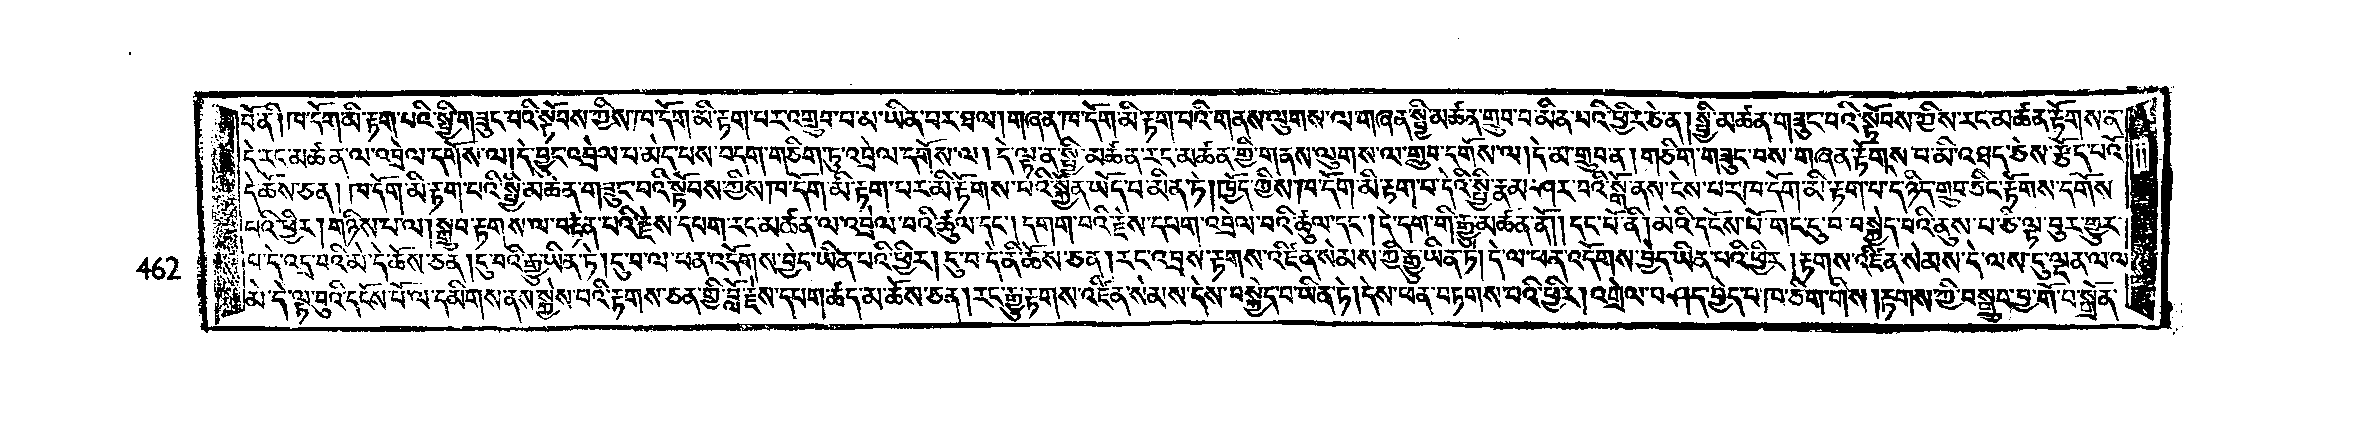པོ་ནི། ཁ་དོག་མི་རྟག་པའི་སྤྱི་གཟུང་བའི་སྟོབས་ཀྱིས་ཁ་དོག་མི་རྟག་པར་འགྲུབ་པ་མ་ཡིན་པར་ཐལ། གཞན་ཁ་དོག་མི་རྟག་པའི་གནས་ལུགས་ལ་གཞན་སྤྱི་མཚན་གྲུབ་པ་མིན་པའི་ཕྱིར་ཅེ་ན། སྤྱི་མཚན་གཟུང་བའི་སྟོབས་ཀྱིས་རང་མཚན་རྟོགས་ན་
དེ་རང་མཚན་ལ་འབྲེལ་དགོས་ལ། དེ་བྱུང་འབྲེལ་པ་མེད་པས་བདག་གཅིག་ཏུ་འབྲེལ་དགོས་ལ། དེ་ལྟ་ན་སྤྱི་མཚན་རང་མཚན་གྱི་གནས་ལུགས་ལ་གྲུབ་དགོས་ལ། དེ་མ་གྲུབ་ན། གཅིག་གཟུང་བས་གཞན་རྟོགས་པ་མི་འཐད་ཅེས་རྩོད་པའོ། །
དེ་ཆོས་ཅན། ཁ་དོག་མི་རྟག་པའི་སྤྱི་མཚན་གཟུང་བའི་སྟོབས་ཀྱིས་ཁ་དོག་མི་རྟག་པར་མི་རྟོགས་པའི་སྐྱོན་ཡོད་པ་མིན་ཏེ། ཁྱོད་ཀྱིས་ཁ་དོག་མི་རྟག་པ་དེའི་སྤྱི་རྣམ་ཤར་བའི་སྒོ་ནས་ངེས་པར་ཁ་དོག་མི་རྟག་པ་དེ་ཉིད་གྲུབ་ཅིང་རྟོགས་དགོས་
པའི་ཕྱིར། གཉིས་པ་ལ། སྒྲུབ་རྟགས་ལ་བརྟེན་པའི་རྗེས་དཔག་རང་མཚན་ལ་འབྲེལ་བའི་ཚུལ་དང་། དགག་པའི་རྗེས་དཔག་འབྲེལ་བའི་ཚུལ་དང་། དེ་དག་གི་རྒྱུ་མཚན་ནོ། །དང་པོ་ནི། མེའི་དངོས་པོ་གང་དུ་བ་བསྐྱེད་བའི་ནུས་པ་ཅི་ལྟ་བུར་གྱུར་
པ་དེ་འདྲ་པའི་མེ་དེ་ཆོས་ཅན། དུ་བའི་རྒྱུ་ཡིན་ཏེ། དུ་བ་ལ་ཕན་འདོགས་བྱེད་ཡིན་པའི་ཕྱིར། དུ་བ་དེ་ནི་ཆོས་ཅན། རང་འབྲས་རྟགས་འཛིན་སེམས་ཀྱི་རྒྱུ་ཡིན་ཏེ། དེ་ལ་ཕན་འདོགས་བྱེད་ཡིན་པའི་ཕྱིར། རྟགས་འཛིན་སེམས་དེ་ལས་དུ་ལྡན་ལ་ལ་
མེ་དེ་ལྟ་བུའི་དངོས་པོ་ལ་དམིགས་ནས་སྐྱེས་པའི་རྟགས་ཅན་གྱི་བློ་རྗེས་དཔག་ཚད་མ་ཆོས་ཅན། རང་རྒྱུ་རྟགས་འཛིན་སེམས་དེས་བསྐྱེད་པ་ཡིན་ཏེ། དེས་ཕན་བཏགས་པའི་ཕྱིར། འགྲེལ་བཤད་བྱེད་པ་ཁ་ཅིག་གིས། རྟགས་ཀྱི་བསྒྲུབ་བྱ་གོ་བ་སྒྲོན་